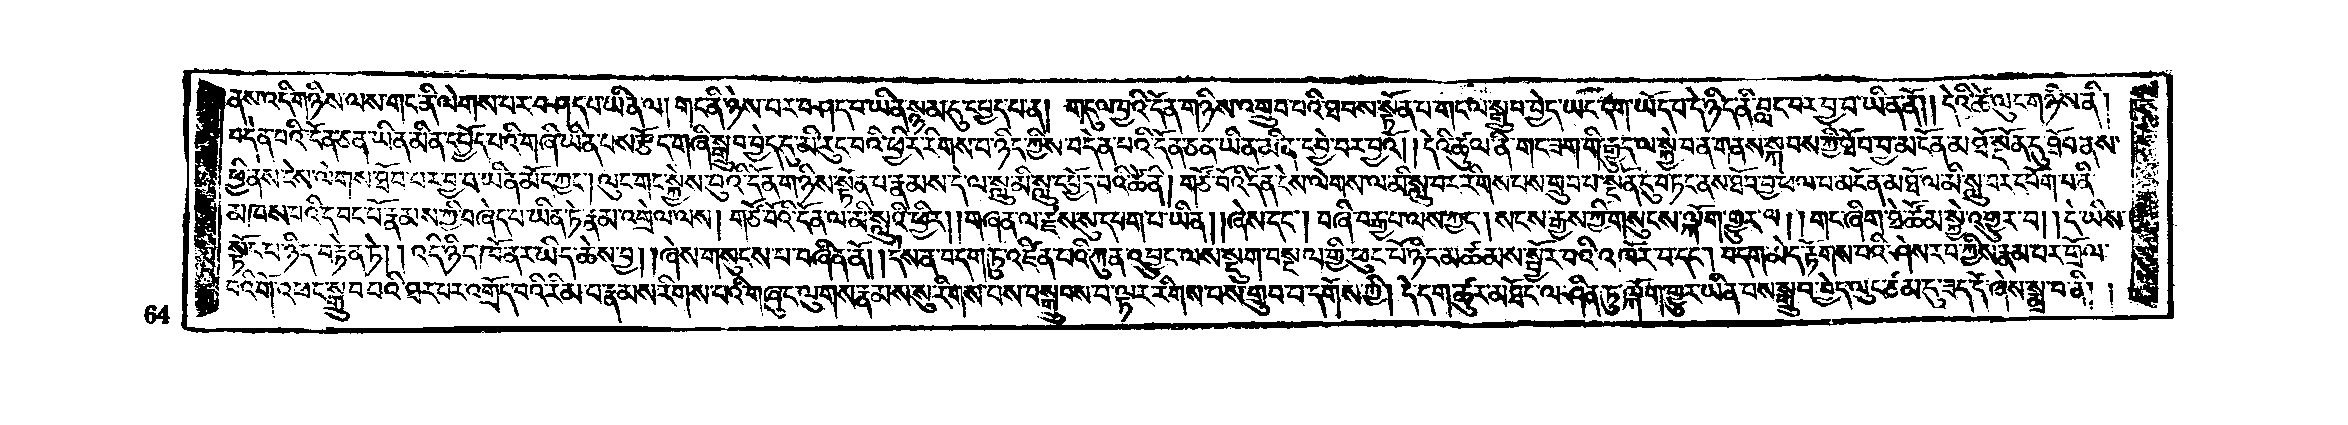ནས་འདི་གཉིས་ལས་གང་ནི་ལེགས་པར་བཤད་པ་ཡིན་ལ། གང་ནི་ཉེས་པར་བཤད་པ་ཡིན་སྙམ་དུ་དཔྱད་པ་ན། གདུལ་བྱའི་དོན་གཉིས་འགྲུབ་པའི་ཐབས་སྟོན་པ་གང་ལ་སྒྲུབ་བྱེད་ཡང་དག་ཡོད་པ་དེ་ཉིད་ནི་བླང་བར་བྱ་བ་ཡིན་ནོ། །དེའི་ཚེ་ལུང་གཉིས་ནི།
བདེན་པའི་དོན་ཅན་ཡིན་མིན་དཔྱོད་པའི་གཞི་ཡིན་པས་རྩོད་གཞི་སྒྲུབ་བྱེད་དུ་མི་རུང་བའི་ཕྱིར་རིགས་པ་ཉིད་ཀྱིས་བདེན་པའི་དོན་ཅན་ཡིན་མིན་དབྱེ་བར་བྱའོ། །དེའི་ཚུལ་ནི་གང་ཟག་གི་རྒྱུད་ལ་སྐྱེ་བ་ན་གནས་སྐབས་ཀྱི་ཐོབ་བྱ་མངོན་མཐོ་སྔོན་དུ་ཐོབ་ནས་
ཕྱི་ནས་ངེས་ལེགས་ཐོབ་པར་བྱ་བ་ཡིན་མོད་ཀྱང་། ལུང་གང་སྐྱེས་བུའི་དོན་གཉིས་སྟོན་པ་རྣམས་དེ་ལ་སླུ་མི་སླུ་དཔྱོད་པའི་ཚེ་ནི། གཙོ་བོའི་དོན་ངེས་ལེགས་ལ་མི་སླུ་བར་རིགས་པས་གྲུབ་པ་སྔོན་དུ་བཏང་ནས་ཐོབ་བྱ་ཕལ་པ་མངོན་མཐོ་ལ་མི་སླུ་བར་དཔོག་པ་ནི་
མཁས་པའི་དབང་པོ་རྣམས་ཀྱི་བཞེད་པ་ཡིན་ཏེ་རྣམ་འགྲེལ་ལས། གཙོ་བོའི་དོན་ལ་མི་སླུའི་ཕྱིར། །གཞན་ལ་རྗེས་སུ་དཔག་པ་ཡིན། །ཞེས་དང་། བཞི་བརྒྱ་པ་ལས་ཀྱང་། སངས་རྒྱས་ཀྱི་གསུངས་ལྐོག་གྱུར་ལ། །གང་ཞིག་ཐེ་ཚོམ་སྐྱེ་འགྱུར་བ། །དེ་ཡིས་
སྟོང་པ་ཉིད་བརྟེན་ཏེ། །འདི་ཉིད་ཁོ་ནར་ཡིད་ཆེས་བྱ། །ཞེས་གསུངས་པ་བཞིན་ནོ། །དེས་ན་བདག་ཏུ་འཛིན་པའི་ཀུན་འབྱུང་ལས་སྡུག་བསྔལ་གྱི་ཕུང་པོ་ཉིད་མཚམས་སྦྱོར་བའི་འཁོར་བ་དང་། བདག་མེད་རྟོགས་པའི་ཤེས་རབ་ཀྱིས་རྣམ་པར་གྲོལ་
བའི་གོ་འཕང་སྒྲུབ་པའི་ཐར་པར་འགྲོད་བའི་རིམ་པ་རྣམས་རིགས་པའི་གཞུང་ལུགས་རྣམས་སུ་རིགས་པས་བསྒྲུབས་པ་ལྟར་རིགས་པས་གྲུབ་པ་དགོས་ཀྱི། དེ་དག་ཚུར་མཐོང་ལ་ཤིན་ཏུ་ལྐོག་གྱུར་ཡིན་པས་སྒྲུབ་བྱེད་ལུང་ཙམ་དུ་ཟད་དོ་ཞེས་སྨྲ་བ་ནི། །